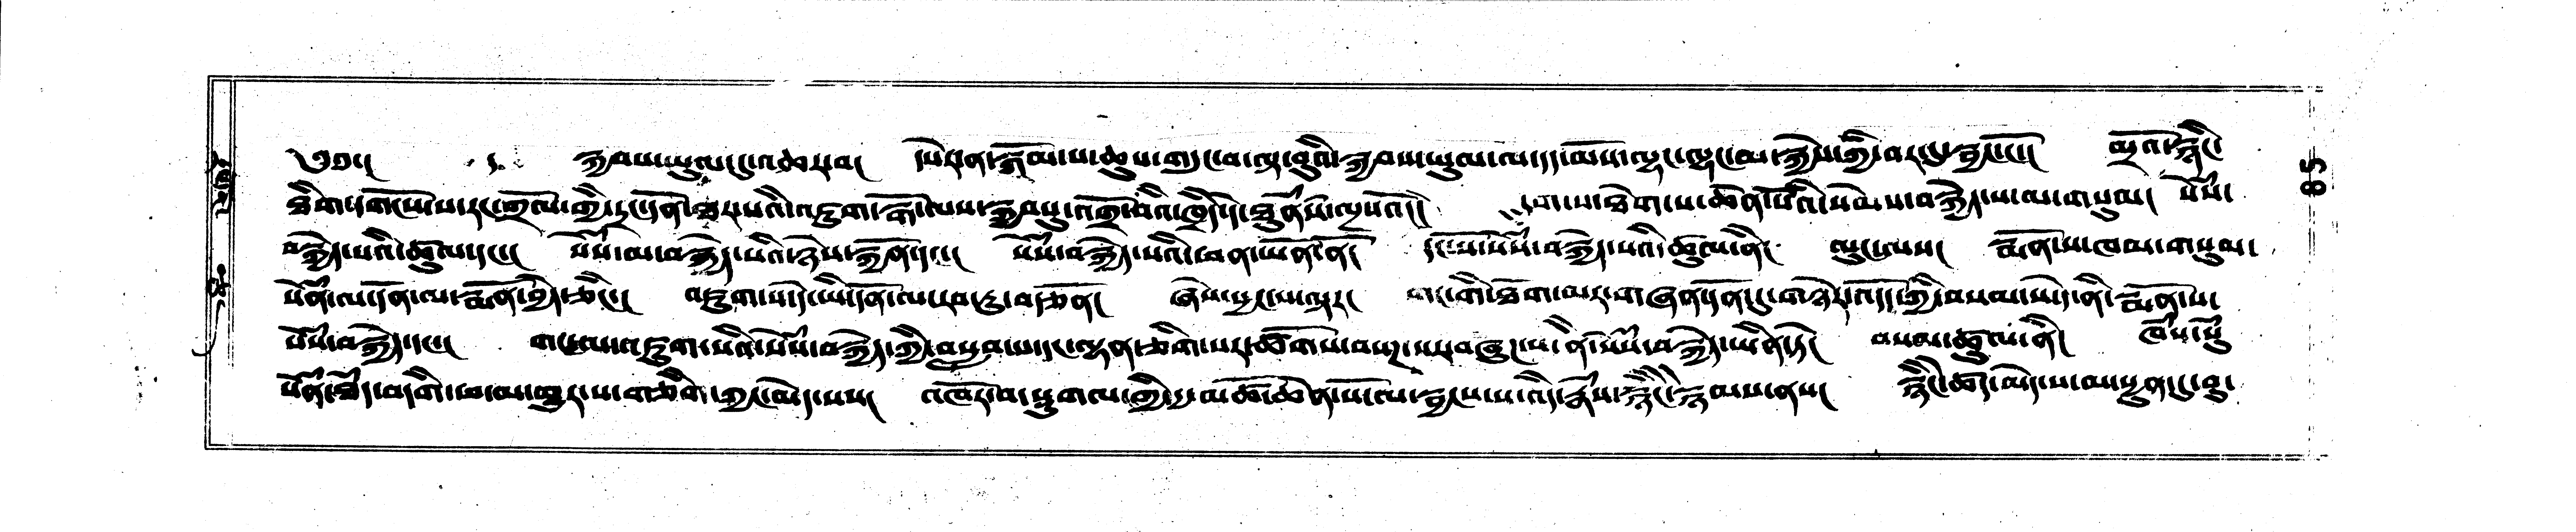སྐྱབས་ཡུལ་དུ་འཆར་བ། དཔེར་ན་སྐོམ་པ་ཆུས་གདུང་བ་ལྟ་བུས་སྐྱབས་ཡུལ་ལ་དད་མོས་ལྷང་ལྷང་མ་སྐྱེས་ཀྱི་བར་དུ་སྦྱང་ངོ་། །མཁའ་འགྲོ་སྙིང་
ཐིག་དགོངས་པ་རང་གྲོལ་གྱི་དྲང་དོན་ཐར་པའི་འཇུག་སྒོ་ལས། སྐྱབས་སུ་འགྲོ་བའི་ཁྲིད་དེ་ཐུན་མཚམས་ལྔ་པའོ།། །།དྲུག་པ་ཐེག་པ་ཆེན་པོའི་སེམས་བསྐྱེད་ལ་གསུམ། སེམས་
བསྐྱེད་པའི་ཚུལ་དང་། སེམས་མ་བསྐྱེད་པའི་ཉེས་སྐྱོིན་དང་། སེམས་བསྐྱེད་པའི་ཕན་ཡོན་ནོ། །དང་པོ་སེམས་བསྐྱེད་པའི་ཚུལ་ནི། ལུང་ལས་སྨོན་པ་ཁམས་གསུམ་
སེམས་ཅན་དོན་ལ་སྨོན་བྱེད་ཅིང་། །འཇུག་པ་དེ་ཡི་དོན་ལ་རབ་ཏུ་བརྩོན། །ཞེས་གསུངས་པ་ལྟར། གང་གི་ཐོག་མར་གཞན་དོན་དོན་དུ་གཉེར་འདོད་ཀྱི་བསམ་པ་དེ་ནི་སྨོན་པ་
སེམས་བསྐྱེད་དང་། གང་ལ་འཇུག་པའི་སེམས་བསྐྱེད་ཀྱི་བསླབ་པ་དང་། ལྷན་ཅིག་པར་ཚོགས་བསགས་པར་བཞུགས་པ་ནི་སེམས་བསྐྱེད་ཡིན་ཏེ། བསམ་ཚུལ་ནི། ཁམས་གསུམ་
སེམས་ཅན་ཐམས་ཅད་བདག་གི་ཕ་མ་མ་གྱུར་གཅིག་ཀྱང་མེད་པས། འཁོར་བ་སྡུག་བསྔལ་གྱི་རྒྱ་མཚོ་ཆེན་པོ་ལ་སྦྱངས་པ་འདི་རྣམས་སྙིང་རྗེ་བསམས་ནས། སྙིང་རྗེ་ཚད་མེད་པ་མ་སྔུན་དུ་བུ་